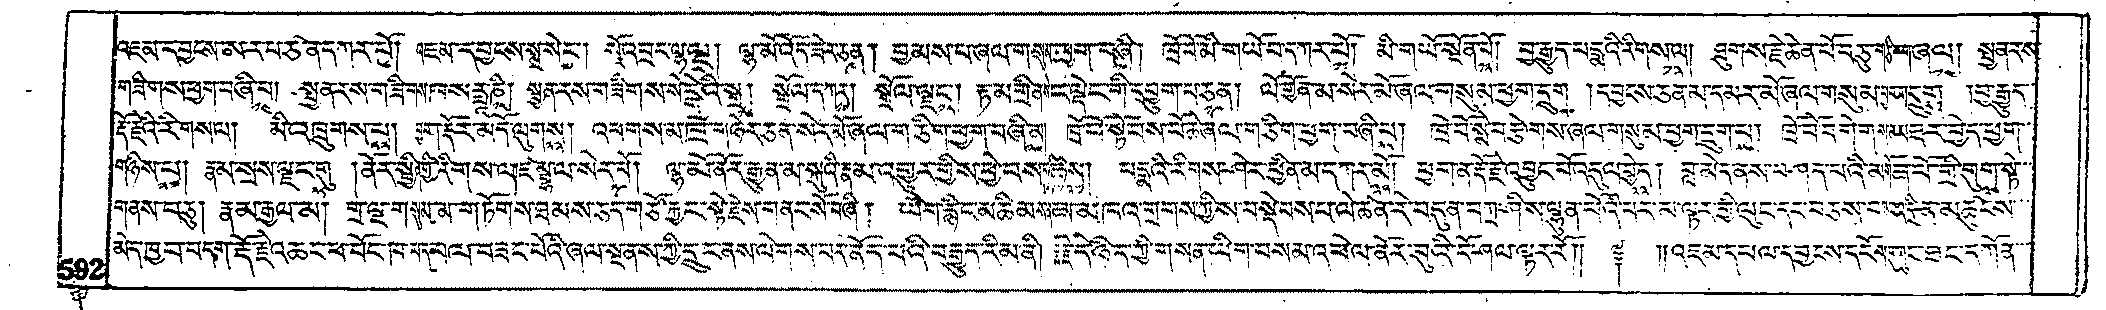འཇམ་དབྱངས་ཨ་ར་པ་ཙ་ན་དཀར་པོ། འཇམ་དབྱངས་སྨྲ་སེང་། སོར་འབྲང་ལྷ་ལྔ། ལྷ་མོ་འོད་ཟེར་ཅན། བྱམས་པ་ཞལ་གསུམ་ཕྱག་བཞི། ཁྲོ་བོ་མི་གཡོ་བ་དཀར་པོ། མི་གཡོ་སྔོན་པོ། བྱ་རྒྱུད་པདམའི་རིགས་ལ། ཐུགས་རྗེ་ཆེན་པོ་བཅུ་གཅིག་ཞལ། སྤྱན་རས་
གཟིགས་ཕྱག་བཞི་པ། སྤྱན་རས་གཟིགས་ཁ་སརྤཱ་ཎི། སྤྱན་རས་གཟིགས་སེངྒེའི་སྒྲ། སྒྲོལ་དཀར། སྒྲོལ་ལྗང་། རྟ་མགྲིན་སེང་ལྡེང་གི་དབྱུག་པ་ཅན། ལོ་གྱོན་མ་སེར་མོ་ཞལ་གསུམ་ཕྱག་དྲུག །དབྱངས་ཅན་མ་དམར་མོ་ཞལ་གསུམ་ཕྱག་དྲུག །བྱ་རྒྱུད་
རྡོ་རྗེའི་རིགས་ལ། མི་འཁྲུགས་པ། ཕྱག་རྡོར་མདོ་ལུགས། འཕགས་མ་ཁྲོ་གཉེར་ཅན་སེར་མོ་ཞལ་གཅིག་ཕྱག་བཞི་མ། ཁྲོ་བོ་སྟོབས་པོ་ཆེ་ཞལ་གཅིག་ཕྱག་བཞི་པ། ཁྲོ་བོ་སྨེ་བརྩེགས་ཞལ་གསུམ་ཕྱག་དྲུག་པ། ཁྲོ་བོ་བགེགས་མཐར་བྱེད་ཕྱག་
གཉིས་པ། རྣམ་སྲས་ལྗང་གུ །ནོར་སྦྱིན་གྱི་རིགས་ལ། ཛམྦྷ་ལ་སེར་པོ། ལྷ་མོ་ནོར་རྒྱུན་མ་སྐུའི་རྣམ་འགྱུར་གྱིས་ཕྱེ་བས་གཉིས། པདམའི་རིགས་ཤེར་ཕྱིན་མ་དཀར་མོ། ཕྱག་ན་རྡོ་རྗེ་འབྱུང་པོ་འདུལ་བྱེད། བླ་མེད་ནས་བཤད་པའི་མགོན་པོ་གྲི་གུག་སྟེ་
གནས་བཅུ། རྣམ་རྒྱལ་མ། གྲ་ལྔ་གསུམ་མ་གཏོགས་ཐམས་ཅད་གཙོ་རྐྱང་སྟེ་རྗེས་གནང་སོ་བཞི། ཡིག་རྙིང་མཆིམས་ནམ་མཁའ་གྲགས་ཀྱིས་བསྡེབས་པ་ལེ་ཚན་རེ་བདུན་བཀྲ་ཤིས་ལྷུན་པོའི་པར་མ་ལྟར་གྱི་ལུང་དང་བཅས་བཀའ་དྲིན་མཚུངས་
མེད་ཁྱབ་བདག་རྡོ་རྗེ་འཆང་ཕ་བོང་ཁ་པ་དཔལ་བཟང་པོའི་ཞལ་སྔ་ནས་ཀྱི་དྲུང་ནས་ལེགས་པར་ནོད་པའི་བརྒྱུད་རིན་ནི། རྗེ་དེ་ཉིད་ཀྱི་གསན་ཡིག་བསམ་འཕེལ་ནོར་བུའི་དོ་ཤལ་ལྟར་རོ།། འ་།།འཇམ་དཔལ་དབྱངས་དངོས་གུང་ཐང་དཀོན་